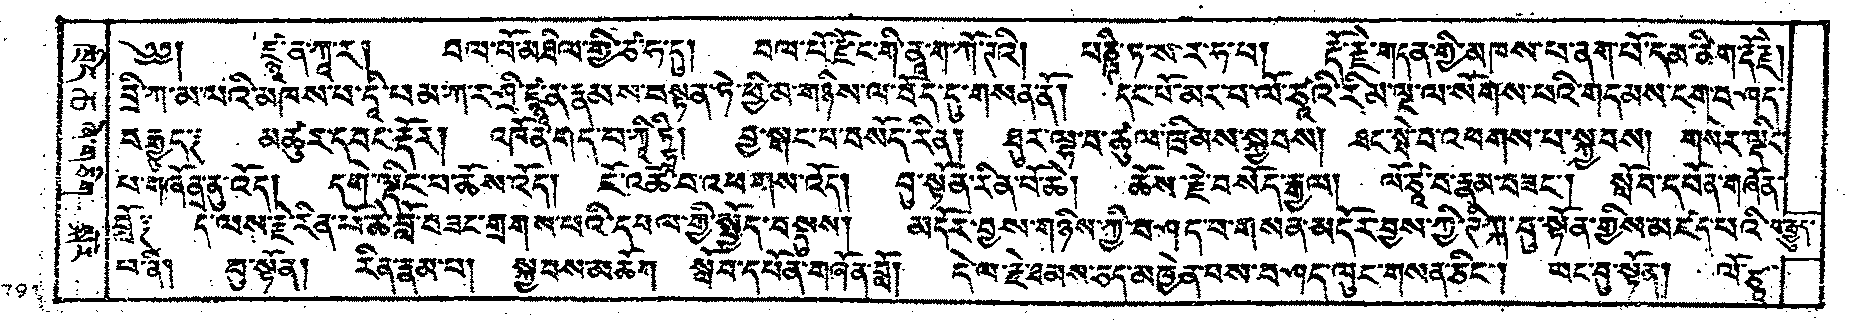༄༅། །ཛྙཱ་ན་ཀཱ་ར། བལ་པོ་མཐིལ་གྱི་ཙ་ཧ་དུ། བལ་པོ་རྫོང་གི་ནཱ་ག་ཀོ་ཊའི། པཎྜི་ཏ་ས་ར་ཧ་པ། རྡོ་རྗེ་གདན་གྱི་མཁས་པ་ནག་པོ་དམ་ཚིག་རྡོ་རྗེ།
བཱི་?་ཀ་མ་ལའི་མཁས་པ་དཱི་པ་མ་ཀ་ར་ཤྲི་ཛྙཱ་ན་རྣམས་བསྟན་ཏེ་ཕྱི་མ་གཉིས་ལ་བོད་དུ་གསན་ནོ། དང་པོ་མར་པ་ལོ་ཙཱའི་རིམ་ལྔ་ལ་སོགས་པའི་གདམས་ངག་བཤད་
བརྒྱུད༑ མཚུར་དབང་རྡོར། འཁོན་གད་པ་ཀཱིཏྟི། བྱ་སྒང་པ་བསོད་རིན། ཐུར་ལྷ་བ་ཚུལ་ཁྲིམས་སྐྱབས། ཐང་སྤེ་བ་འཕགས་པ་སྐྱབས། གསེར་ལྡིང་
པ་གཞོན་ནུ་འོད། དགེ་ལྡིང་པ་ཆོས་འོད། ངོ་འཚོ་བ་འཕགས་འོད། བུ་སྟོན་རིན་པོ་ཆེ། ཆོས་རྗེ་བསོད་རྒྱལ། ལོ་ཙཱ་བ་རྣམ་བཟང་། སློབ་དཔོན་གཞོན་
བློ༑ དེ་ལས་རྗེ་རིན་པོ་ཆེ་བློ་བཟང་གྲགས་པའི་དཔལ་གྱི་སྤྱོད་བསྡུས། མདོར་བྱས་གཉིས་ཀྱི་བཤད་པ་གསན་མདོར་བྱས་ཀྱི་ཊིཀྐ་བུ་སྟོན་གྱིས་མཛད་པའི་བརྒྱུད་
པ་ནི། བུ་སྟོན། རིན་རྣམ་པ། སྐྱབས་མཆོག་སློབ་དཔོན་གཞོན་བློ། དེ་ལ་རྗེ་ཐམས་ཅད་མཁྱེན་པས་བཤད་ལུང་གསན་ཅིང་། ཡང་བུ་སྟོན། ལོ་ཙཱ་